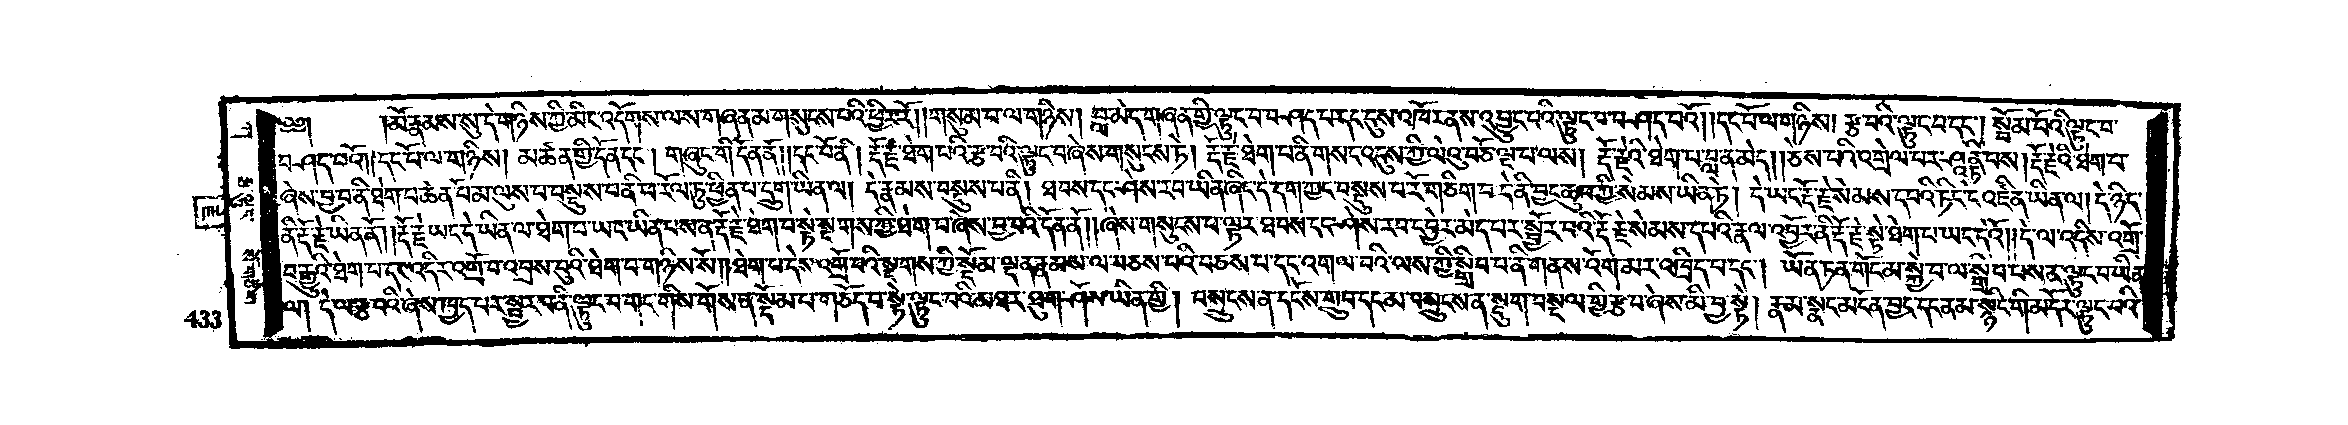༄༅། །མོ་རྣམས་སུ་དེ་གཉིས་ཀྱི་མིང་འདོགས་ལས་གཞན་མ་གསུངས་པའི་ཕྱིར་རོ། །གསུམ་པ་ལ་གཉིས། བླ་མེད་གཞན་གྱི་ལྟུང་བ་བཤད་པ་དང་དུས་འཁོར་ནས་འབྱུང་བའི་ལྟུང་བ་བཤད་པའོ། །དང་པོ་ལ་གཉིས། རྩ་བའི་ལྟུང་བ་དང་། སྦོམ་པོའི་ལྟུང་བ་
བཤད་པའོ། །དང་པོ་ལ་གཉིས། མཚན་གྱི་དོན་དང་། གཞུང་གི་དོན་ནོ། །དང་པོ་ནི། རྡོ་རྗེ་ཐེག་པའི་རྩ་བའི་ལྟུང་བ་ཞེས་གསུངས་ཏེ། རྡོ་རྗེ་ཐེག་པ་ནི་གསང་འདུས་ཀྱི་ལེའུ་བཅོ་ལྔ་པ་ལས། རྡོ་རྗེའི་ཐེག་པ་བླ་ན་མེད། །ཅེས་པའི་འགྲེལ་པར་ཤཱནྟི་པས། རྡོ་རྗེའི་ཐེག་པ་
ཞེས་བྱ་བ་ནི་ཐེག་པ་ཆེན་པོ་མ་ལུས་པ་བསྡུས་པ་ནི་ཕ་རོལ་ཏུ་ཕྱིན་པ་དྲུག་ཡིན་ལ། དེ་རྣམས་བསྡུས་པ་ནི། ཐབས་དང་ཤེས་རབ་ཡིན་ཞིང་དེ་དག་ཀྱང་བསྡུས་པ་རོ་གཅིག་པ་དེ་ནི་བྱང་ཆུབ་ཀྱི་སེམས་ཡིན་ཏེ། དེ་ཡང་རྡོ་རྗེ་སེམས་དཔའི་ཏིང་ངེ་འཛིན་ཡིན་ལ། དེ་ཉིད་
ནི་རྡོ་རྗེ་ཡིན་ནོ། །རྡོ་རྗེ་ཡང་དེ་ཡིན་ལ་ཐེག་པ་ཡང་ཡིན་པས་ན་རྡོར་རྗེ་ཐེག་པ་སྟེ་སྔགས་ཀྱི་ཐེག་པ་ཞེས་བྱ་བའི་དོན་ནོ། །ཞེས་གསུངས་པ་ལྟར་ཐབས་དང་ཤེས་རབ་དབྱེར་མེད་པར་སྦྱོར་བའི་རྡོ་རྗེ་སེམས་དཔའི་རྣལ་འབྱོར་ནི་རྡོ་རྗེ་སྟེ་ཐེག་པ་ཡང་དེའོ། །དེ་ལ་འདིས་འགྲོ་
བ་རྒྱུའི་ཐེག་པ་དང་འདིར་འགྲོ་བ་འབྲས་བུའི་ཐེག་པ་གཉིས་སོ། །ཐེག་པ་དེས་འགྲོ་བའི་སྔགས་ཀྱི་སྡོམ་ལྡན་རྣམས་ལ་བཅས་པའི་བཅས་པ་དང་འགལ་བའི་ལས་ཀྱི་སྒྲིབ་པ་ནི་གནས་འོག་མར་འཁྲིད་པ་དང་། ཡོན་ཏན་གོང་མ་སྐྱེ་བ་ལ་སྒྲིབ་པས་ན་ལྟུང་བ་ཡིན་
ལ། དེ་ལ་རྩ་བའི་ཞེས་ཁྱད་པར་སྦྱར་བ་ནི་ལྟུང་བ་གང་གིས་གོས་ན་སྡོམ་པ་གཅོད་པ་སྟེ་ལྟུང་བའི་མཐར་ཐུག་ཤོས་ཡིན་གྱི། བསྲུངས་ན་དངོས་གྲུབ་དང་མ་བསྲུངས་ན་སྡུག་བསྔལ་གྱི་རྩ་བ་ཞེས་མི་བྱ་སྟེ། རྣམ་སྣང་མངོན་བྱང་དང་ནམ་སྙིང་གི་མདོར་ལྟུང་བའི་